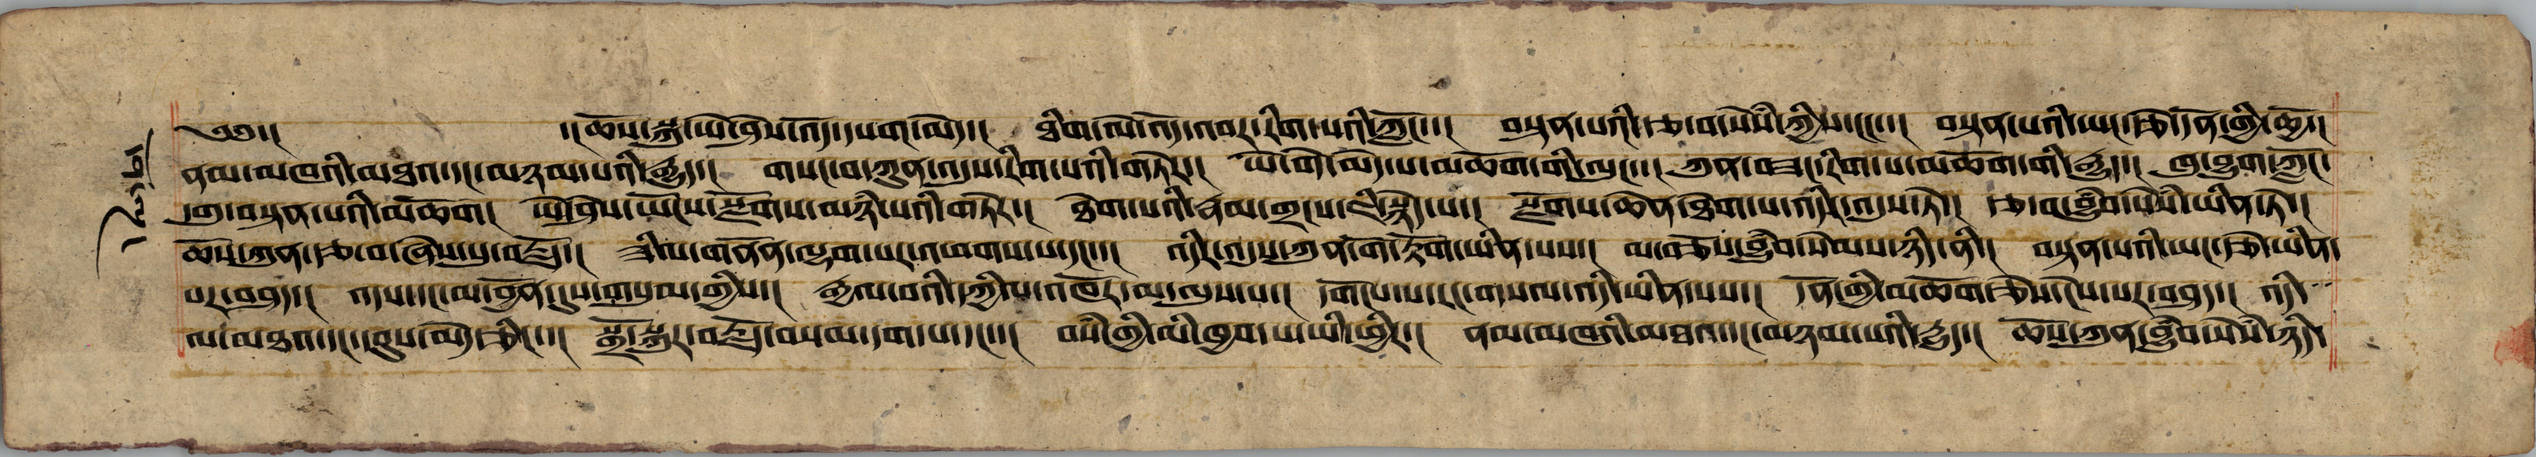༄༅་། ་།ཆོས་སྐུ་ཡེ་ཤེས་འོད་དཔག་མེད་། ཐིག་ལེ་འོད་འབར་རིག་པའི་ཀློང་་། བསྟན་པའི་རྩ་བ་སེཾས་ཀྱིས་ངང་་། བསྟན་པའི་ཡང་རྩེ་དོན་གྱི་ཆྱོ་།
ནམ་མཁའི་མཐའ་དང་མཉམ་པའི་རྒྱུད་། གསང་བ་ཀུན་འདུས་རིག་པའི་གཏེར་། ཡེ་བདེ་མེད་པ་མཆོག་གི་ལུང་་། ཀུན་བཟང་རིག་པ་མཆོག་གི་རྒྱུད་། ཁུ་བྱུག་ཀློང་
དགུ་བསྟན་པའི་མཆོག། ཡེ་ཤེས་ཡོངས་སྫོགས་མཉཾ་པའི་གཏེར་། ཐེག་པའི་རྣམ་གྲངས་ཇི་སྙེད་པ་། སྫོགས་ཆེན་ཐེག་པ་འདིར་འདུས་ཏེ་། རྩ་བ་བྱུཾབ་སེཾས་ཡིན་ཏེ་།
ཆོས་ཀུན་རྩ་བ་ཞེས་སུ་བརྗོད་། ཟིལ་གནོན་ལྷག་པར་འཕགས་པ་དང་་། འདིར་འདུས་ཀུན་གོ་རྟོག་ཡིན་པས་། མ་བཅོས་བྱུཾབ་སེམས་ཉིད་ནི་། བསྟན་པའི་ཡང་རྩེ་ཡིན་
བར་བཤད་། འདས་དང་མ་བྱོན་དུས་གསུམ་གྱིས་། རྒྱལ་བའི་དཀྱིལ་འཁོར་མ་ལུས་པ་། དགོངས་པ་རང་གསལ་འདི་ཡིན་པས་། དོན་གྱི་མཆོག་ཅེས་ངེས་པར་བཤད་། འདི་
ལ་མཐའ་དང་དབུས་མེད་ཅིང་་། སྒྲོ་སྐུར་བརྗོད་བསམ་དག་པ་དང་་། བསཾ་གྱི་མི་ཁྱབ་ས་ཡི་ཕྱིར་། ནམ་མཁའི་མཐའ་དང་མཉམ་པའི་དྱུད་། ཆོས་ཀུན་བྱུཾབ་སེཾས་ཉིད་